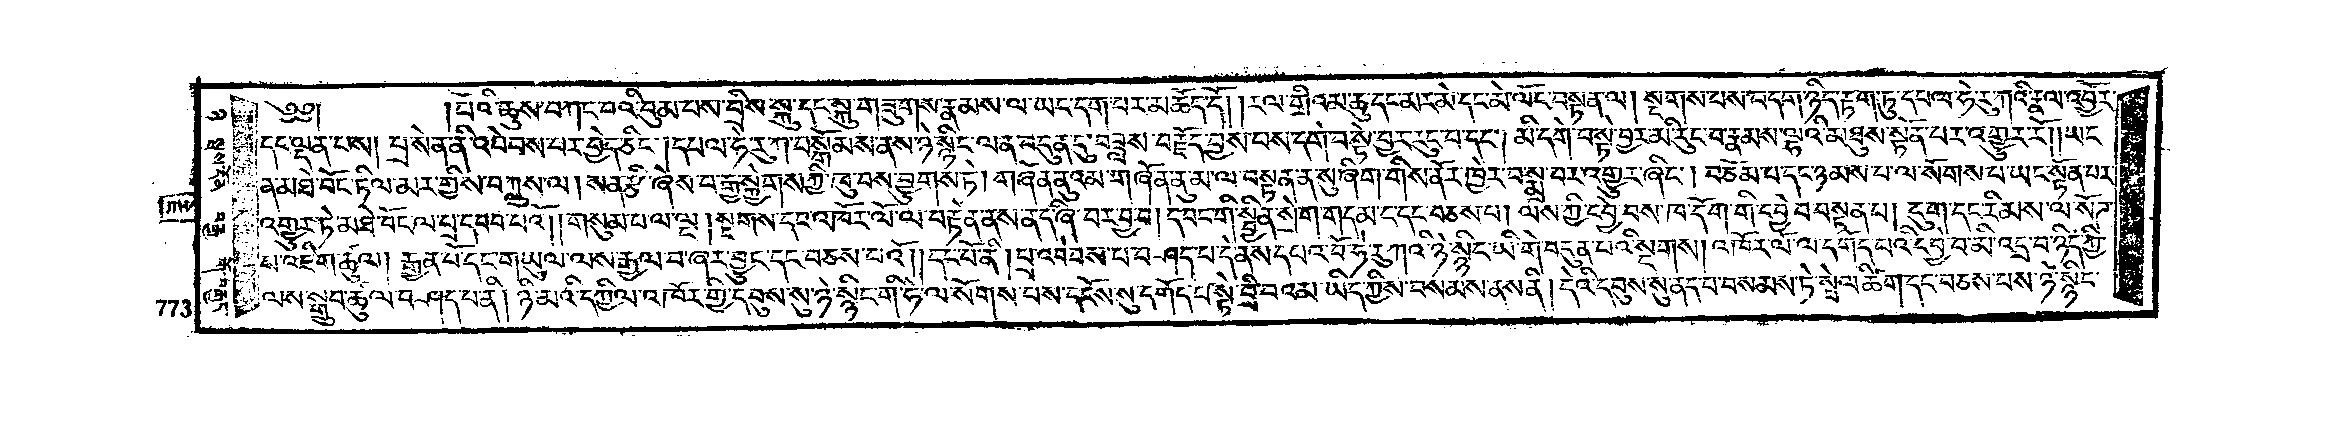༄༅། །པོའི་ཆུས་བཀང་བའི་བུམ་པས་བྲིས་སྐུ་དང་སྐུ་གཟུགས་རྣམས་ལ་ཡང་དག་པར་མཆོད་དོ། །རལ་གྲིའམ་ཆུ་དང་མར་མེ་དང་མེ་ལོང་བསྟན་ལ། སྔགས་པས་བདག་ཉིད་རྟག་ཏུ་དཔལ་ཧེ་རུ་ཀའི་རྣལ་འབྱོར་
དང་ལྡན་པས། པྲ་སེ་ན་ནི་འབེབས་པར་བྱེད་ཅིང་། དཔལ་ཧེ་རུ་ཀ་བསྒོམས་ནས་ཉེ་སྙིང་ལན་བདུན་དུ་བཟླས་བརྗོད་བྱས་པས་དགེ་བ་སྟེ་བྱར་རུང་བ་དང་། མི་དགེ་བ་སྟེ་བྱར་མི་རུང་བ་རྣམས་ལྷའི་མཐུས་སྟོན་པར་འགྱུར་རོ། །ཡང་
ན་མཐེ་བོང་ཏིལ་མར་གྱིས་བཀྲུས་ལ། སན་རྩི་ཞེས་བ་རྒྱ་སྐྱེགས་ཀྱི་ཁུ་བས་བྱུགས་ཏེ། གཞོན་ནུའམ་གཞོན་ནུ་མ་ལ་བསྟན་ན་སུ་ཞིག་གིས་ནོར་ཁྱེར་བ་སྨྲ་བར་འགྱུར་ཞིང་། བཅོམ་པ་དང་ཉམས་པ་ལ་སོགས་པ་ཡང་སྟོན་པར་
འགྱུར་ཏེ་མཐེ་བོང་ལ་པྲ་དབབ་པའོ། །གསུམ་པ་ལ་ལྔ། སྔགས་དཔའ་འཁོར་ལོ་ལ་བརྟེན་ནས་ནད་ཞི་བར་བྱ་བ། དབང་གི་སྦྱིན་སྲེག་གདམ་ང་དང་བཅས་པ། ལས་ཀྱི་དབྱེ་བས་ཁ་དོག་གི་དབྱེ་བ་བསྟན་པ། དུག་དང་རིམས་ལ་སོཌ་
པ་འཇིག་ཚུལ། རྒྱན་པོ་དང་གཡུལ་ལས་རྒྱལ་བ་ཞར་བྱུང་དང་བཅས་པའོ། །དང་པོ་ནི། པྲ་འབེབས་པ་བཤད་པ་དེ་ནས་དཔའ་བོ་ཧེ་རུ་ཀའི་ཉེ་སྙིང་ཡི་གེ་བདུན་པའི་སྔགས། འཁོར་ལོ་ལ་དགོད་པའི་དབྱེ་བ་མི་འདྲ་བ་ཉིད་ཀྱི་
ལས་སྒྲུབ་ཚུལ་བཤད་པ་ནི། ཉི་མའི་དཀྱིལ་འཁོར་གྱི་དབུས་སུ་ཉེ་སྙིང་གི་ཧེ་ལ་སོགས་པས་དངོས་སུ་དགོད་པ་སྟེ་བྲི་བའམ་ཡིད་ཀྱིས་བསམས་ནས་ནི། དེའི་དབུས་སུ་ནད་པ་བསམས་ཏེ་སྤེལ་ཚིག་དང་བཅས་པས་ཉེ་སྙིང་